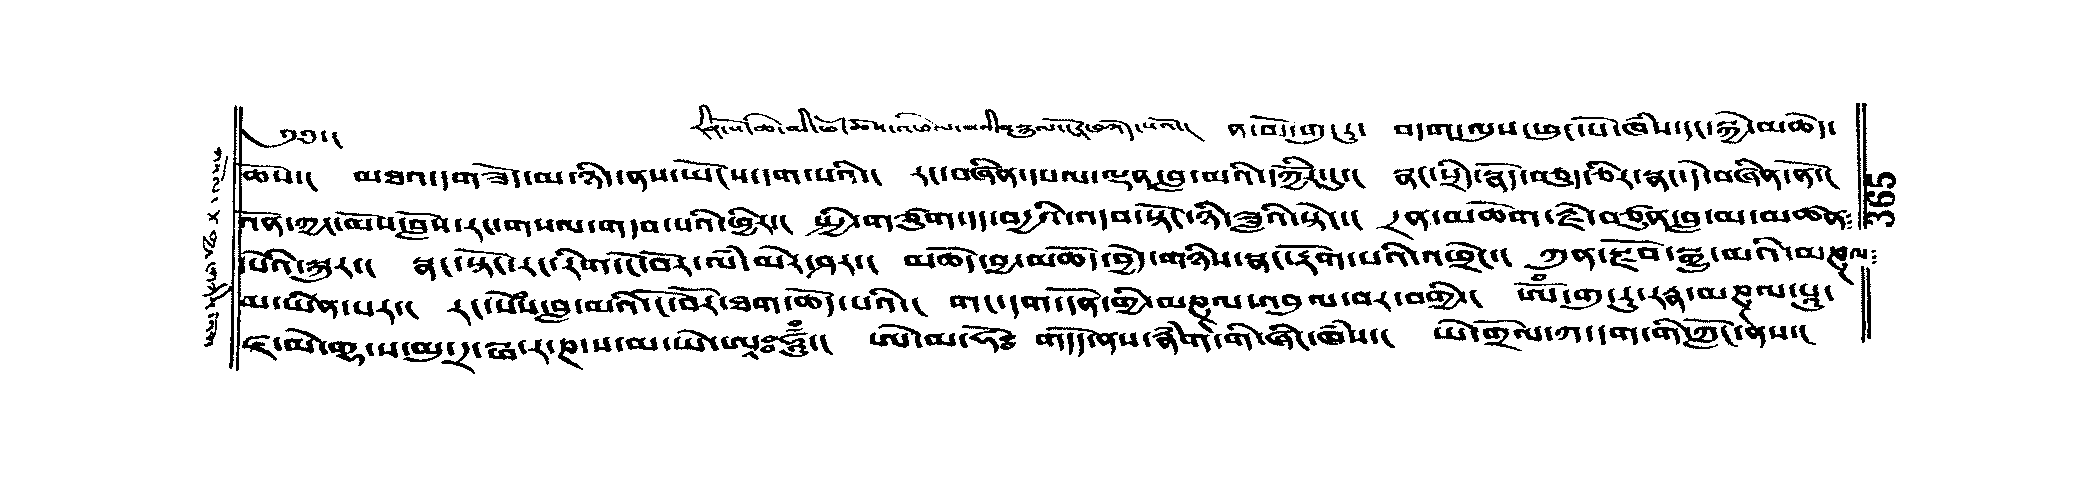རིན་པོ་ཆེ་མི་ཕམ་ཆོས་འཕེལ་བའི་བསྐུལ་ངོར་བཀོད་པའོ།། ན་མོ་གུ་རུ། བདག་ལུས་ཕུང་པོ་ཁམས་དང་སྐྱེ་མཆེད་
ཆོས། །མཐའ་དག་གཟོད་མ་ཉིད་ནས་ཡོངས་དག་པའི། །རང་བཞིན་དཔལ་ལྡན་བླ་མའི་དཀྱིལ་འཁོར་དུ། །སྣང་སྲིད་སྣོད་བཅུད་ཅིར་སྣང་དེ་བཞིན་ནོ། །
འོན་ཀྱང་མོས་བློས་རང་གསལ་གདབ་པའི་ཕྱིར། །སྤྱི་གཙུག་དད་བརྒྱའི་འདབ་སྟོང་ཉིད་ཟླའི་སྟེང་། །དྲན་མཆོག་རྗེ་བཙུན་བླ་མ་མཚན་
དཔེའི་སྐུར། །སྣང་སྟོང་རང་རིག་ངོ་བོར་ལམ་མེར་ཤར། །མཆོད་བྱ་མཆོད་བྱེད་གཉིས་སྣང་རྟོག་པའི་འཕྲེང་། །ཀུན་རྗོབ་སྒྱུ་མའི་མཎྜལ་
མ་ཡིན་པར། །རང་སེམས་བླ་མའི་ངོ་བོར་ཐག་ཆོད་པའི། །གང་དག་དོན་གྱི་མཎྜལ་འབུལ་བར་བགྱི། ཨོཾ་གུ་རུ་རཏྣ་མཎྜལ་པཱུ་
ཛ་མ་གྷ་ས་མུ་དྲ་སྥ་ར་ཎ་ས་མ་ཡེ་ཨཱཿཧཱུྃ། ཨེ་མ་ཧོཿ གདོད་ནས་རྣམ་དག་གི་ཞིང་ཁམས། །ཡེ་གྲོལ་ཀ་དག་གི་ཀློང་ནས།